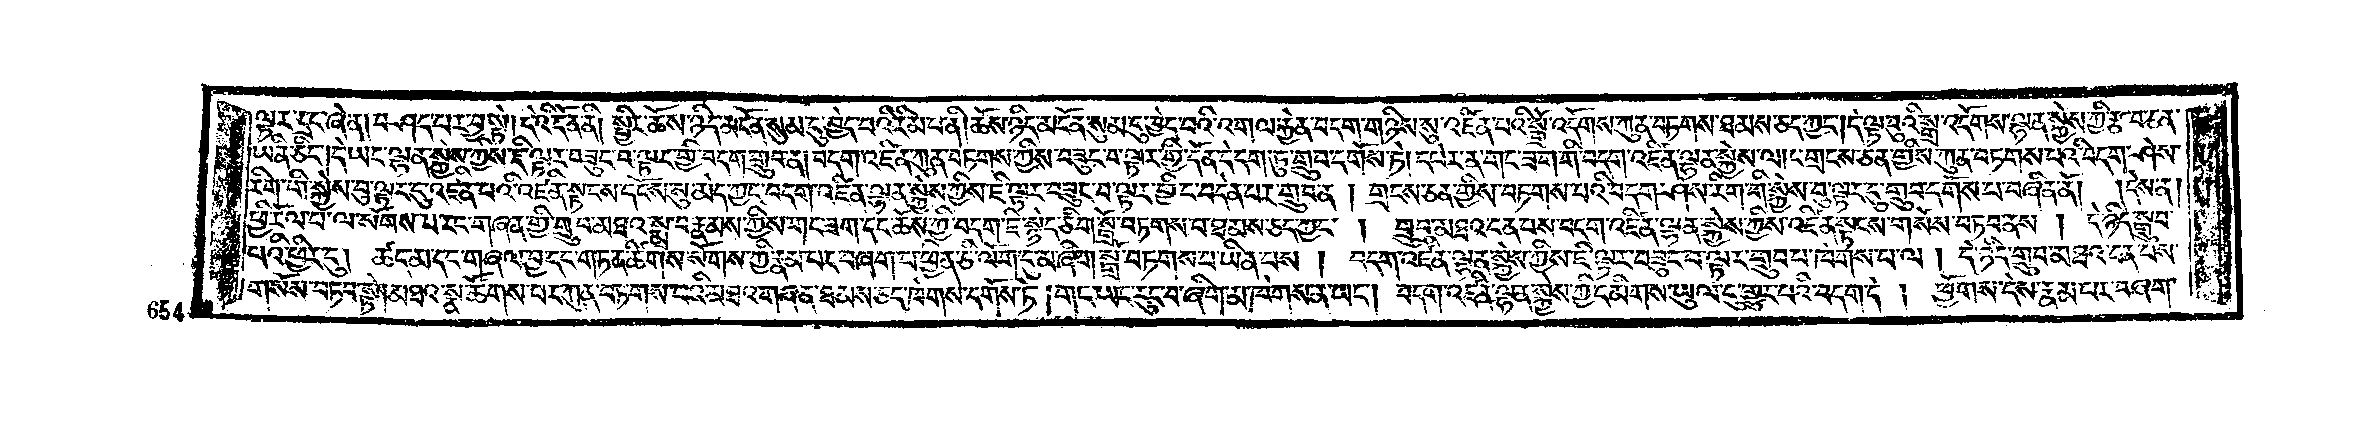ལྟར་དྲང་ཞེ་ན། བཤད་པར་བྱ་སྟེ། དེའི་དོན་ནི། སྤྱིར་ཆོས་ཉིད་མངོན་སུམ་དུ་བྱེད་པའི་རིམ་པ་ནི། ཆོས་ཉིད་མངོན་སུམ་དུ་བྱེད་པའི་འགལ་རྐྱེན་བདག་གཉིས་སུ་འཛིན་པའི་སྒྲོ་འདོགས་ཀུན་བཏགས་ཐམས་ཅད་ཀྱང་། དེ་ལྟ་བུའི་སྒྲ་འདོགས་ལྷན་སྐྱེས་ཀྱི་རྩ་བ་ཅན་
ཡིན་ཅིང་། དེ་ཡང་ལྷན་སྐྱེས་ཀྱིས་ཇི་ལྟར་བཟུང་བ་ལྟར་གྱི་བདག་གྲུབ་ན། བདག་འཛིན་ཀུན་བཏགས་ཀྱིས་བཟུང་བ་ལྟར་གྱི་དོན་དེ་དག་ཏུ་གྲུབ་དགོས་ཏེ། དཔེར་ན་གང་ཟག་གི་བདག་འཛིན་ལྷན་སྐྱེས་ལ། ང་གྲངས་ཅན་གྱིས་ཀུན་བཏགས་པའི་བདག་ཤེས་
རིག་གི་སྐྱེས་བུ་ལྟར་དུ་འཛིན་པའི་འཛིན་སྟངས་དངོས་སུ་མེད་ཀྱང་བདག་འཛིན་ལྷན་སྐྱེས་ཀྱིས་ཇི་ལྟར་བཟུང་བ་ལྟར་གྱི་ང་བདེན་པར་གྲུབ་ན། གྲངས་ཅན་གྱིས་བཏགས་པའི་བདག་ཤེས་རིག་གི་སྐྱེས་བུ་ལྟར་དུ་གྲུབ་དགོས་པ་བཞིན་ནོ། །དེས་ན།
ཕྱི་རོལ་པ་ལ་སོགས་པ་རང་གཞན་གྱི་གྲུབ་མཐའ་སྨྲ་བ་རྣམས་ཀྱིས་གང་ཟག་དང་ཆོས་ཀྱི་བདག་ཇི་སྙེད་ཅིག་སྒྲོ་བཏགས་པ་ཐམས་ཅད་ཀྱང་། གྲུབ་མཐའ་ངན་པས་བདག་འཛིན་ལྷན་སྐྱེས་ཀྱིས་འཛིན་སྟངས་གསོས་བཏབ་ནས། དེ་ཉིད་སྒྲུབ་
པའི་ཕྱིར་དུ། ཚད་མ་དང་གཞལ་བྱ་དང་གཏན་ཚིགས་སོགས་ཀྱི་རྣམ་པར་བཞག་པ་ཕྱིན་ཅི་ལོག་དུ་མ་ཞིག་སྒྲོ་བཏགས་པ་ཡིན་པས། བདག་འཛིན་ལྷན་སྐྱེས་ཀྱིས་ཇི་ལྟར་བཟུང་བ་ལྟར་གྲུབ་པ་ཁེགས་པ་ལ། དེ་ཉིད་གྲུབ་མཐའ་ངན་པས་
གསོས་བཏབ་སྟེ། མཐའ་སྣ་ཚོགས་པར་ཀུན་བཏགས་པའི་མཐའ་གཞན་ཐམས་ཅད་ཁེགས་དགོས་ཏེ། གང་ཡང་རུང་བ་ཞིག་མ་ཁེགས་ན་ཡང་། བདག་འཛིན་ལྷན་སྐྱེས་ཀྱི་དམིགས་ཡུལ་དུ་གྱུར་པའི་བདག་དེ། ཕྱོགས་དེས་རྣམ་པར་བཞག་